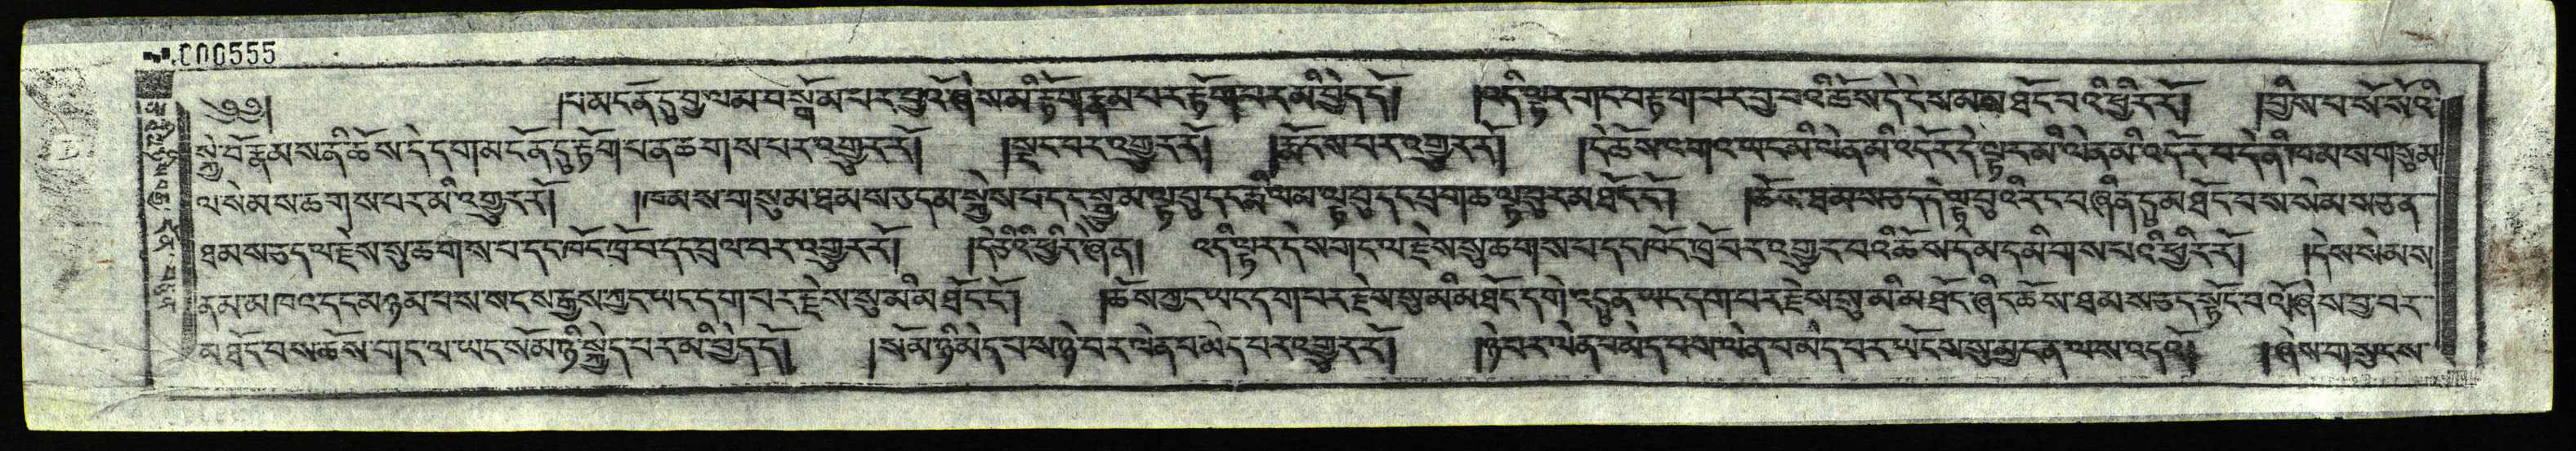༄༅། །པ་མངོན་དུ་བྱ་ལམ་བསྒོམ་པར་བྱའོ་ཞེས་མི་རྟོག་རྣམ་པར་རྟོག་པར་མི་བྱེད་དོ། །འདི་ལྟར་གང་བརྟག་པར་བྱ་བའི་ཆོས་དེ་ངེས་མ་མཐོང་བའི་ཕྱིར་རོ། །བྱིས་པ་སོ་སོའི་
སྐྱེ་བོ་རྣམས་ནི་ཆོས་དེ་དག་མངོན་དུ་རྟོག་པ་ན་ཆགས་པར་འགྱུར་རོ། །སྡང་བར་འགྱུར་རོ། །རྨོངས་པར་འགྱུར་རོ། །དེ་ཆོས་འགའ་ཡང་མི་ལེན་མི་འདོར་དེ་ལྟར་མི་ལེན་མི་འདོར་བ་དེ་ནི་ཁམས་གསུམ་
ལ་སེམས་ཆགས་པར་མི་འགྱུར་རོ། །ཁམས་གསུམ་ཐམས་ཅད་མ་སྐྱེས་པ་དང་སྒྱུ་མ་ལྟ་བུ་དང་རྨི་ལམ་ལྟ་བུ་དང་བྲག་ཆ་ལྟ་བུར་མཐོང་ངོ། །ཆོས་ཐམས་ཅད་དེ་ལྟ་བུའི་རང་བཞིན་དུ་མཐོང་བས་སེམས་ཅན་
ཐམས་ཅད་ལ་རྗེས་སུ་ཆགས་པ་དང་ཁོང་ཁྲོ་བ་དང་བྲལ་བར་འགྱུར་རོ། །དེ་ཅིའི་ཕྱིར་ཞེ་ན། འདི་ལྟར་དེས་གང་ལ་རྗེས་སུ་ཆགས་པ་དང་ཁོང་ཁྲོ་བར་འགྱུར་བའི་ཆོས་དེ་མ་དམིགས་པའི་ཕྱིར་རོ། །དེས་སེམས་
ནམ་མཁའ་དང་མཉམ་པས་སངས་རྒྱས་ཀྱང་ཡང་དག་པར་རྗེས་སུ་མི་མཐོང་ངོ། །ཆོས་ཀྱང་ཡང་དག་པར་རྗེས་སུ་མི་མཐོང་དགེ་འདུན་ཡང་དག་པར་རྗེས་སུ་མི་མཐོང་ཞིང་ཆོས་ཐམས་ཅད་སྟོང་བའོ། ཞེས་བྱ་བར་
མཐོང་བས་ཆོས་གང་ལ་ཡང་སོམ་ཉི་སྐྱེད་པར་མི་བྱེད་དོ། །སོམ་ཉི་མེད་པས་ཉེ་བར་ལེན་པ་མེད་པར་འགྱུར་རོ། །ཉེ་བར་ལེན་པ་མེད་པས་ལེན་པ་མེད་པར་ཡོངས་སུ་མྱ་ངན་ལས་འདའོ། །ཞེས་གསུངས་